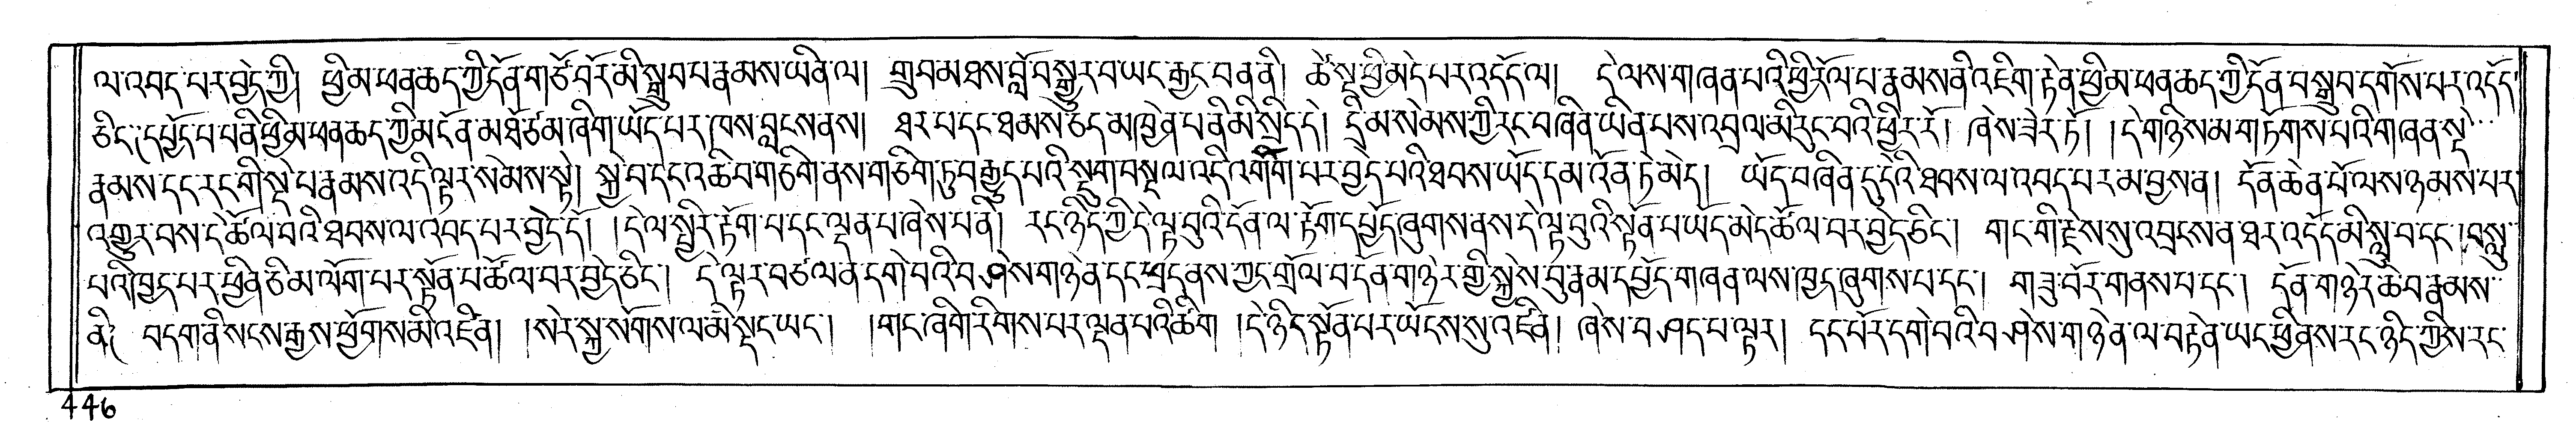ལ་འབད་པར་བྱེད་ཀྱི། ཕྱི་མ་ཕན་ཆད་ཀྱི་དོན་གཙོ་བོར་མི་སྒྲུབ་པ་རྣམས་ཡིན་ལ། གྲུབ་མཐས་བློ་བསྒྱུར་བ་ཡང་རྒྱང་པན་ནི། ཚེ་སྔ་ཕྱི་མེད་པར་འདོད་ལ། དེ་ལས་གཞན་པའི་ཕྱི་རོལ་བ་རྣམས་ནི་འཇིག་རྟེན་ཕྱི་མ་ཕན་ཆད་ཀྱི་དོན་བསྒྲུབ་དགོས་པར་འདོད་
ཅིང་༑དཔྱོད་པ་པ་ནི་ཕྱི་མ་ཕན་ཆད་ཀྱི་མངོན་མཐོ་ཙམ་ཞིག་ཡོད་པར་ཁས་བླངས་ནས། ཐར་པ་དང་ཐམས་ཅད་མཁྱེན་པ་ནི་མི་སྲིད་དེ། དྲི་མ་སེམས་ཀྱི་རང་བཞིན་ཡིན་པས་འབྲལ་མི་རུང་བའི་ཕྱིར་རོ། ཞེས་ཟེར་ཏོ། །དེ་གཉིས་མ་གཏོགས་པའི་གཞན་སྡེ་
རྣམས་དང་རང་གི་སྡེ་པ་རྣམས་འདི་ལྟར་སེམས་སྟེ། སྐྱེ་བ་དང་འཆི་བ་གཅིག་ནས་གཅིག་ཏུ་བརྒྱུད་པའི་སྡུག་བསྔལ་འདི་འགོག་པར་བྱེད་པའི་ཐབས་ཡོད་དམ་འོན་ཏེ་མེད། ཡོད་བཞིན་དུ་དེའི་ཐབས་ལ་འབད་པར་མ་བྱས་ན། དོན་ཆེན་པོ་ལས་ཉམས་པར་
འགྱུར་བས་དེ་ཚོལ་བའི་ཐབས་ལ་འབད་པར་བྱེད་དོ། །དེ་ལ་སྤྱིར་རྟོག་པ་དང་ལྡན་པ་ཞེས་པ་ནི། རང་ཉིད་ཀྱི་དེ་ལྟ་བུའི་དོན་ལ་རྟོག་དཔྱོད་ཞུགས་ནས་དེ་ལྟ་བུའི་སྟོན་པ་ཡོད་མེད་ཚོལ་བར་བྱེད་ཅིང་། གང་གི་རྗེས་སུ་འབྲངས་ན་ཐར་འདོད་མི་སླུ་བ་དང་། བསླུ་
བའི་ཁྱད་པར་ཕྱིན་ཅི་མ་ལོག་པར་སྟོན་པ་ཚོལ་བར་བྱེད་ཅིང་། དེ་ལྟར་བཙལ་ན་དགེ་བའི་བཤས་གཉེན་དང་ཕྲད་ནས་ཀྱང་གྲོལ་བ་དོན་གཉེར་གྱི་སྐྱེས་བུ་རྣམ་དཔྱོད་གཞན་ལས་ཁྱད་ཞུགས་པ་དང་། གཟུ་བོར་གནས་པ་དང་། དོན་གཉེར་ཆེ་བ་རྣམས་
ནི༑ བདག་ནི་སངས་རྒྱས་ཕྱོགས་མི་འཛིན། །སེར་སྐྱ་སོགས་ལ་མི་སྡང་ཡང་། །གང་ཞིག་རིགས་པར་ལྡན་པའི་ཚིག །དེ་ཉིད་སྟོན་པར་ཡོངས་སུ་འཛིན། ཞེས་བཤད་པ་ལྟར། དང་པོར་དགེ་བའི་བཤེས་གཉེན་ལ་བརྟེན་ཡང་ཕྱི་ནས་རང་ཉིད་ཀྱིས་རང་